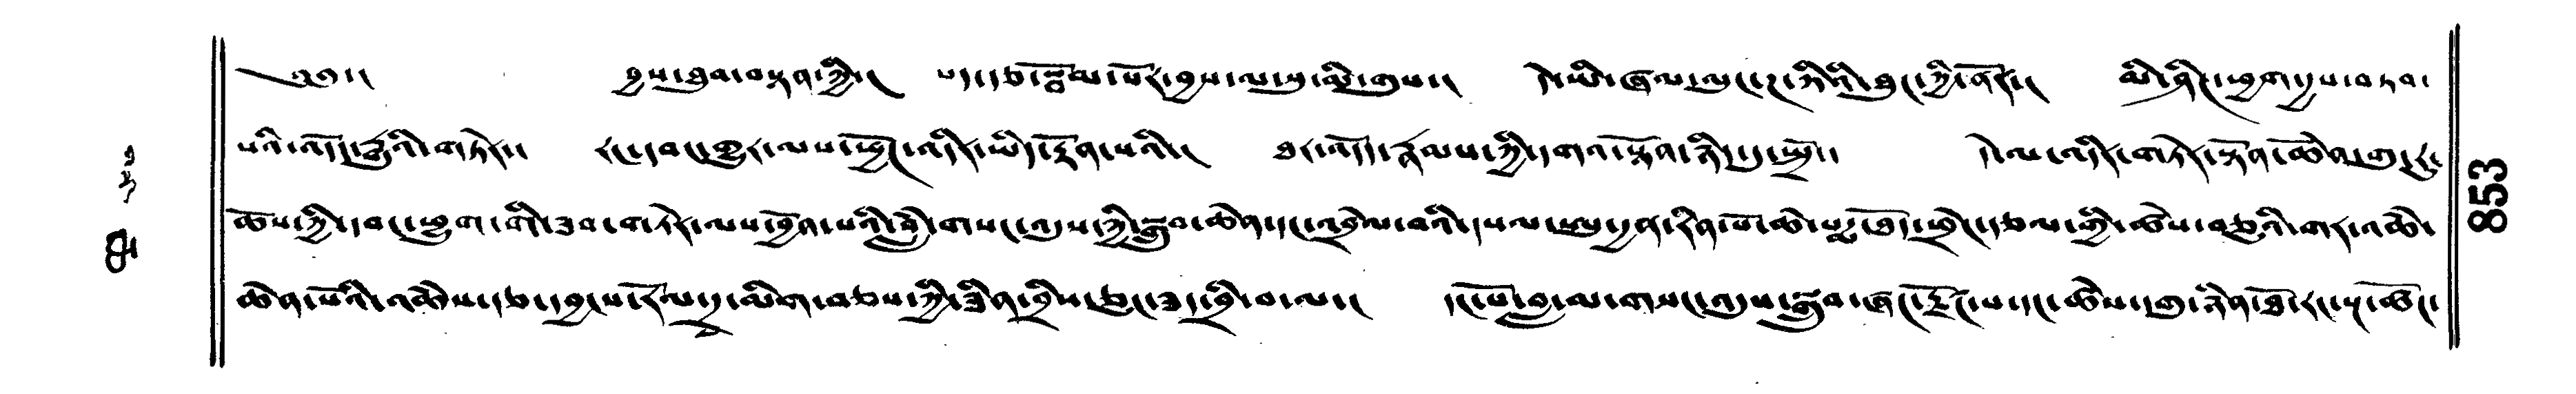བྱས་ཐུབ་བསྟན་ཀྱི། །པད་རྩ་སྦོམ་པོར་བྱས་ལ་སུ་མི་གུས། །དེ་ཡི་ཞལ་ལུང་ཌཱ་ཀིའི་ཐུགས་ཀྱི་ནོར། །མི་ཤིགས་ཕྱག་རྒྱས་བཏབ་
པའི་འདོད་རྒུའི་གཏེར། །རང་དབང་གྱུར་ལས་ཕྱོགས་འདིར་ཡིད་རྟོན་པའི། །ཐར་འདོད་རྣམས་ཀྱི་དགའ་སྟོན་ཉིད་དུ་སྤྲོ། དེ་ལ་འདིར་གཏེར་སྟོན་ཆེན་པོ་གུ་རུ་
ཆོས་ཀྱི་དབང་ཕྱུག་གི་ཟབ་གཏེར་ལས་བྱོན་པའི་བླ་མ་གསང་འདུས་ཀྱི་སྒྲུབ་ཆེན་དང་འབྲེལ་བའི་དཔལ་ཨུ་རྒྱན་རིན་པོ་ཆེ་པདྨ་ཐོད་ཕྲེང་རྩལ་གྱི་ཚེས་བཅུའི་གར་འཆམ་
ཆེན་མོའི་འཆམ་རྩ་དབྱངས་རོལ་དྲྭ་མིག་བཅས་ཀྱི་ཟིན་བྲིས་ཅུང་ཟད་བྲི་བ་ལ། དང་པོ་བླ་མ་གསང་འདུས་སྒྲུབ་ཞག་རྫོགས་པ་དང་ཆེས་དགུའི་ཉིན་ཐོ་རངས་སྔ་བར་ཚོགས་